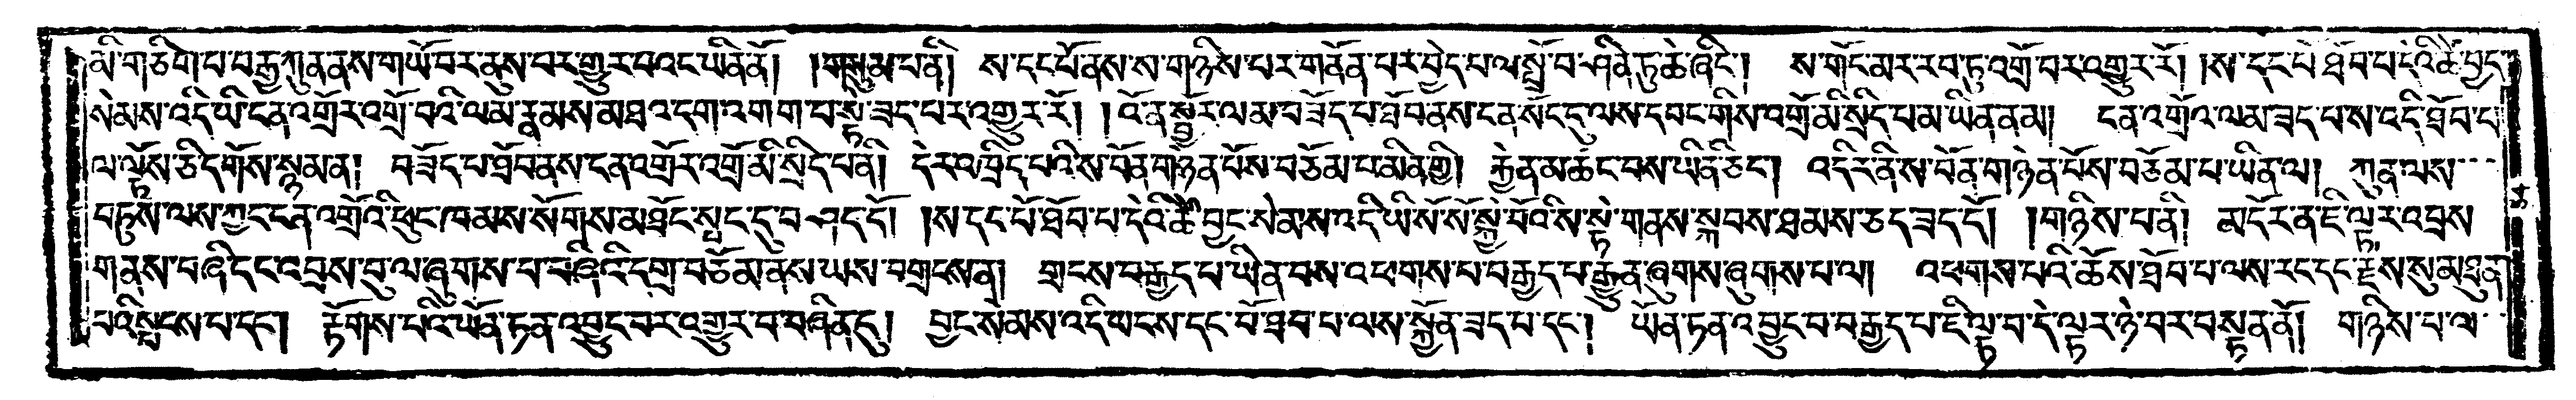མི་གཅིག་པ་བརྒྱ་ཀུན་ནས་གཡོ་བར་ནུས་པར་གྱུར་པའང་ཡིན་ནོ། །གསུམ་པ་ནི། ས་དང་པོ་ནས་ས་གཉིས་པར་གནོན་པར་བྱེད་པ་ལ་སྤྲོ་བ་ཤིན་ཏུ་ཆེ་ཞིང་། ས་གོང་མར་རབ་ཏུ་འགྲོ་བར་འགྱུར་རོ། །ས་དང་པོ་ཐོབ་པ་དེའི་ཚེ་བྱང་
སེམས་འདི་ཡི་ངན་འགྲོར་འགྲོ་བའི་ལམ་རྣམས་མཐའ་དག་འགག་པ་སྟེ་ཟད་པར་འགྱུར་རོ། །འོ་ན་སྦྱོར་ལམ་བཟོད་པ་ཐོབ་ནས་ངན་སོང་དུ་ལས་དབང་གིས་འགྲོ་མི་སྲིད་པ་མ་ཡིན་ནམ། ངན་འགྲོའི་ལམ་ཟད་པ་ས་འདི་ཐོབ་པ་
ལ་ལྟོས་ཅི་དགོས་སྙམ་ན། བཟོད་པ་ཐོབ་ནས་ངན་འགྲོར་འགྲོ་མི་སྲིད་པ་ནི། དེར་འཁྲིད་པའི་ས་བོན་གཉེན་པོས་བཅོམ་པ་མིན་གྱི། རྐྱེན་མ་ཚང་བས་ཡིན་ཅིང་། འདིར་ནི་ས་བོན་གཉེན་པོས་བཅོམ་པ་ཡིན་ལ། ཀུན་ལས་
བཏུས་ལས་ཀྱང་ངན་འགྲོའི་ཕུང་ཁམས་སོགས་མཐོང་སྤང་དུ་བཤད་དོ། །ས་དང་པོ་ཐོབ་པ་དེའི་ཚེ་བྱང་སེམས་འདི་ཡི་སོ་སོ་སྐྱེ་བོའི་ས་སྟེ་གནས་སྐབས་ཐམས་ཅད་ཟད་དོ། །གཉིས་པ་ནི། མདོར་ན་ཇི་ལྟར་འབྲས་
གནས་བཞི་དང་འབྲས་བུ་ལ་ཞུགས་པ་བཞིའི་དགྲ་བཅོམ་ནས་ཡས་བགྲངས་ན། གྲངས་བརྒྱད་པ་ཡིན་པས་འཕགས་པ་བརྒྱད་པ་རྒྱུན་ཞུགས་ཞུགས་པ་ལ། འཕགས་པའི་ཆོས་ཐོབ་པ་ལས་རང་དང་རྗེས་སུ་མཐུན་
པའི་སྤངས་པ་དང་། རྟོགས་པའི་ཡོན་ཏན་འབྱུང་བར་འགྱུར་བ་བཞིན་དུ། བྱང་སེམས་འདི་ཡང་ས་དང་པོ་ཐོབ་པ་ལས་སྐྱོན་ཟད་པ་དང་། ཡོན་ཏན་འབྱུང་བ་བརྒྱད་པ་ཇི་ལྟ་བ་དེ་ལྟར་ཉེ་བར་བསྟན་ནོ། །གཉིས་པ་ལ་